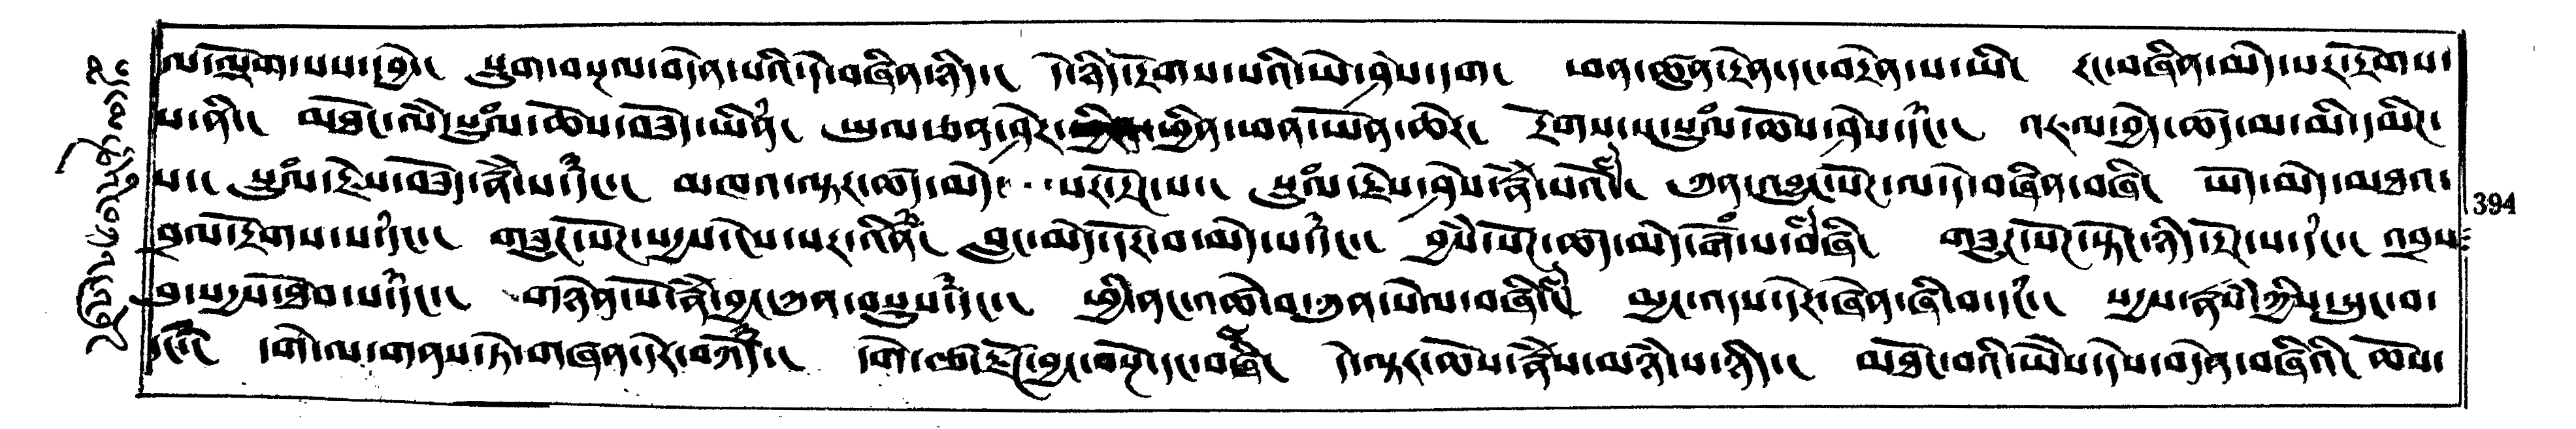ལ་ལྡོག་པས་དབྱེ། །སྡུག་བསྔལ་བདེན་པའི་དེ་བཞིན་ཉིད། །དེ་ཉིད་རྟོགས་པའི་ཡེ་ཤེས་དག །ཕན་ཚུན་རྟེན་དང་བརྟེན་པ་ཡི། །རང་བཞིན་མེད་པར་རྟོགས་
པ་ནི། །མཐོང་ལམ་སྡུག་བསྔལ་ཆོས་བཟོད་ཡིན། །ཡུལ་ཅན་ཤེར་ཕྱིན་ཕན་ཡོན་ཆེར། །རྟོགས་པ་སྡུག་བསྔལ་ཆོས་ཤེས་དང་། །འཇལ་བྱེད་ཚད་མ་མི་དམིགས་
པ། །སྡུག་བསྔལ་རྗེས་བཟོད་རྣམ་པ་དང་། །མཁའ་ལྟར་ཚད་མེད་པར་རྟོགས་པ། །སྡུག་བསྔལ་རྗེས་ཤེས་རྣམ་པའོ། །ཀུན་འབྱུང་སོགས་ལ་དེ་བཞིན་བཞི། །ཡོད་མེད་མཐའ་
བྲལ་རྟོགས་པ་དང་། །གཟུགས་སོགས་སངས་རྒྱས་ངེས་པར་འཛིན། །བླང་མེད་དོར་བ་མེད་པ་དང་། །བྱམས་སོགས་ཚད་མེད་སྒོམ་པ་བཞི། །གཟུགས་སོགས་སྟོང་ཉིད་རྟོགས་པ་དང་། །འབྲས་
བུ་སངས་རྒྱས་ཐོབ་པ་དང་། །གཉེན་པོ་རྣམ་བྱང་ཀུན་བསྡུས་དང་། །ཕྱི་ནང་འཚེ་བ་ཀུན་སེལ་བཞི། །མྱང་འདས་དེར་ཞེན་ཞི་བ་དང་། །སངས་རྒྱས་རྣམས་ཀྱིས་སྲུང་བ་
དང་། །དགེ་ལ་གནས་ཏེ་གཞན་དེར་བཀོད། །དགེ་རྩ་རྫོགས་བྱང་བསྔོ་དང་བཞི། །དེ་ལྟར་ཆོས་རྣམས་མཉམ་པ་ཉིད། །མཐོང་བའི་ཡེ་ཤེས་དེས་བདེན་བཞིའི། །ཆོས་